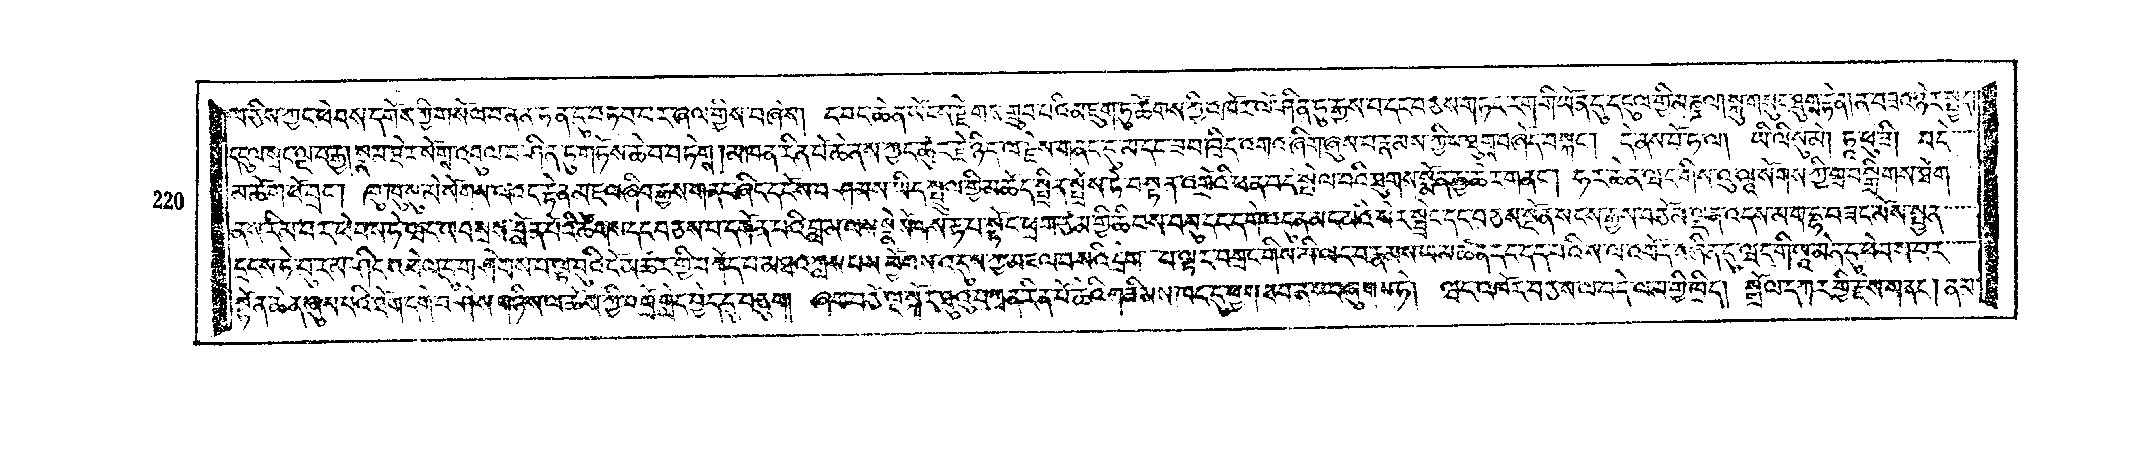ལ་ཅིས་ཀྱང་ཕེབས་དགོས་ཀྱི་གསོལ་བ་ནན་ཏན་དུ་བཏབ་བར་ཞལ་གྱིས་བཞེས། དབང་ཆེན་ཡོངས་རྫོགས་གྲུབ་པའི་མཇུག་ཏུ་ཆོགས་ཀྱི་འཁོར་ལོ་ཤིན་ཏུ་རྒྱས་པ་དང་བཅས་གཏང་རག་གི་ཡོན་དུ་དངུལ་བྱི་མཎྜལ། སྐུ་གསུང་ཐུགས་རྟེན། ན་བཟའ་ཉེར་སྤྱད་
དངུལ་སྲང་ལྔ་བརྒྱ། སྣམ་ཐེར་སོགས་འབུལ་བ་ཤིན་ཏུ་གཏོས་ཆེ་བ་བཏེགས། མཁན་རིན་པོ་ཆེ་ནས་ཀྱང་ཚུར་རྗེ་ཉིད་ལ་རྗེས་གནང་དུ་མ་དང་ཟབ་ཁྲིད་འགའ་ཞིག་ཞུས་པ་རྣམས་ཀྱིས་ཐུགས་བཞེད་བསྐང་། དེ་ནས་པོ་ཏ་ལ། ཡི་ལི་སུ་མེ། ཧཱ་ཕུ་ཟི། བདེ་
མཆོག་ཕོ་བྲང་། ཁུ་ཁུ་སུ་མེ་སོགས་ལའང་རྟེན་མཇལ་ཞིབ་རྒྱས་གནང་ཞིང་དངོས་བཤམས་ཡིད་སྤྲུལ་གྱི་མཆོད་སྤྲིན་སྤྲོས་ཏེ་བསྟན་འགྲོའི་ཕན་བདེ་སྤེལ་བའི་ཐུགས་སྨོན་རྒྱ་ཆེར་གནང་། ཧ་ར་ཆེན་ཝང་གིས་འུ་ལཱ་སོགས་ཀྱི་གྲ་བསྒྲིགས་ཐོག་
ནས་རིམ་པར་ཕེབས་ཏེ་ཝང་ཡབ་སྲས་བློན་པོའི་ཆོགས་དང་བཅས་པ་དགོན་པའི་བླ་མ་ལས་སྣེ་སོགས་རྟ་པ་སྟོང་ཕྲག་ཙམ་གྱི་ཆིབས་བསུ་དང་དགེ་འདུན་མང་མའི་སེར་སྦྲེང་དང་བཅས་སྔོན་སངས་རྒྱས་བཅོམ་ལྡན་འདས་མག་དྷ་བཟང་མོས་སྤྱན་
དྲངས་ཏེ་བུ་རམ་ཤིང་འཕེལ་དུ་གཤེགས་པ་ལྟ་བུའི་ངོ་མཚར་གྱི་བཀོད་པ་མཐའ་ཀླས་པས་ཕྱོགས་འདུས་ཀྱ་མཇལ་བསའི་དྲེག་པ་ལྟར་བགྲང་གིས་མི་ལང་བ་རྣམས་ཡ་མཚན་དང་དད་པའི་ས་ལ་འགོད་བཞིན་དུ་ཝང་གི་ལཱ་མེན་དུ་ཕེབས་པར་
སྟོན་ཆེན་ཞུས་པའི་ཐོག་དགེ་བཤེས་གཉིས་ལ་ཆོས་ཀྱི་བགྲོ་གླེང་བྱེད་དུ་བཅུག། ཞག་བཅོ་ལྔ་སྐོར་ཐུའུ་བཀྭན་རིན་པོ་ཆེའི་གཟིམས་ཁང་དུ་ཕྱག་བ་ནས་བཞུགས་ཏེ། ཝང་འཁོར་བཅས་ལ་བདེ་ལམ་གྱི་ཁྲིད། སྒྲོལ་དཀར་གྱི་རྗེས་གནང་། ནམ་